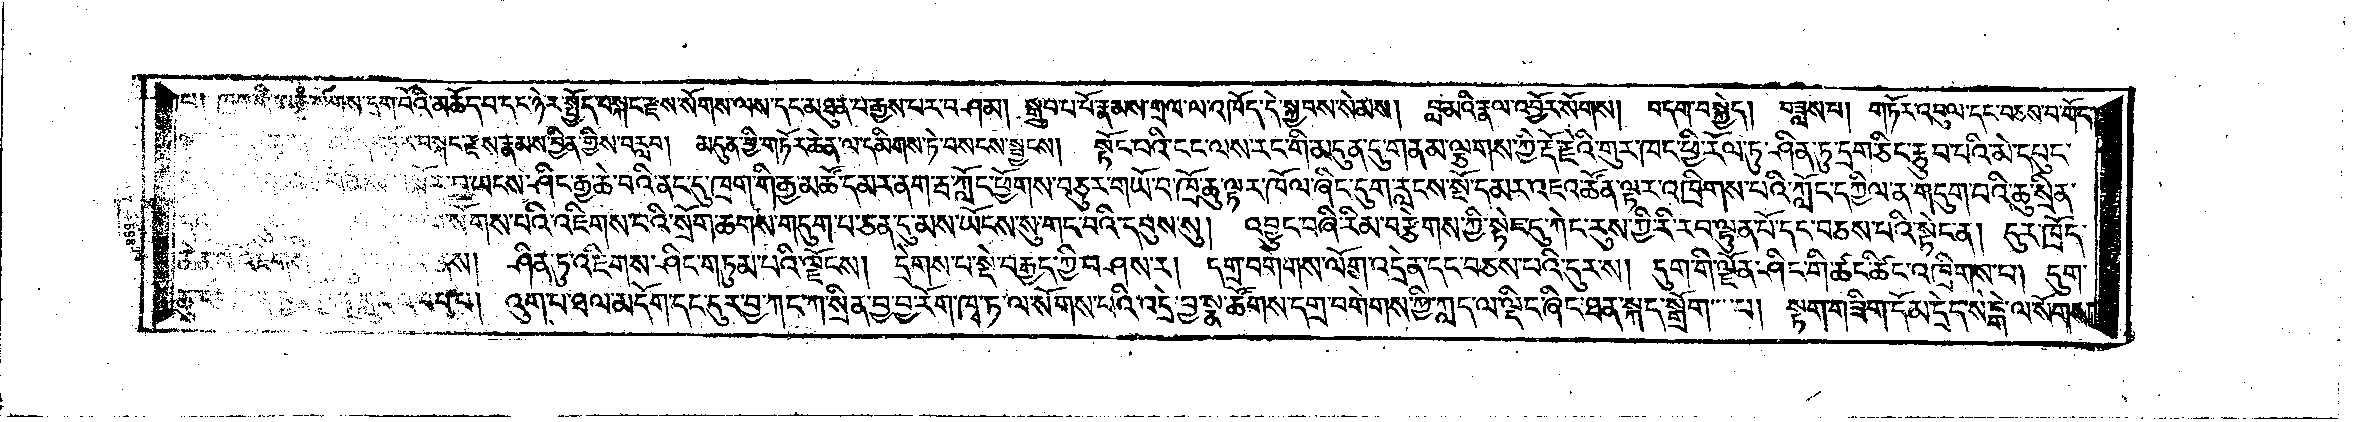པ༑ ཁྲག་གི་ཨརྒྷཾ་སོགས་དྲག་པོའི་མཆོད་པ་དང་ཉེར་སྤྱོད་བསྐང་རྫས་སོགས་ལས་དང་མཐུན་པ་རྒྱས་པར་བཤམ། སྒྲུབ་པ་པོ་རྣམས་གྲལ་ལ་འཁོད་དེ་སྐྱབས་སེམས། བླ་མའི་རྣལ་འབྱོར་སོགས། བདག་བསྐྱེད། བཟླས་པ། གཏོར་འབུལ་དང་བཅས་པ་གོང་
ལྟར་སྔོན་དུ་བཏང་། མཆོད་གཏོར་བསྐང་རྫས་རྣམས་བྱིན་གྱིས་བརླབ། མདུན་གྱི་གཏོར་ཆེན་ལ་དམིགས་ཏེ་བསངས་སྦྱངས། སྟོང་བའི་ངང་ལས་རང་གི་མདུན་དུ་གནམ་ལྕགས་ཀྱི་རྡོ་རྗེའི་གུར་ཁང་ཕྱི་རོལ་ཏུ་ཤིན་ཏུ་དྲག་ཅིང་རྩུབ་པའི་མེ་དཔུང་
དང་རླུང་ནག་འཚུབ་མས་བསྐོར་བ་ཡངས་ཤིང་རྒྱ་ཆེ་བའི་ནང་དུ་ཁྲག་གི་རྒྱ་མཚོ་དམར་ནག་རྦ་ཀློང་ཕྱོགས་བཅུར་གཡོ་བ་ཁྲོ་ཆུ་ལྟར་ཁོལ་ཞིང་དུག་རླངས་སྔོ་དམར་འཇའ་ཚོན་ལྟར་འཁྲིགས་པའི་ཀློང་དཀྱིལ་ན་གདུག་པའི་ཆུ་སྲིན་
དང༑ དུག་སྤྲུལ་སྤལ་སྡིག་ལ་སོགས་པའི་འཇིགས་པའི་སྲོག་ཆགས་གདུག་པ་ཅན་དུ་མས་ཡོངས་སུ་གང་བའི་དབུས་སུ། འབྱུང་བཞི་རིམ་བརྩེགས་ཀྱི་སྟེང་དུ་ཀེང་རུས་ཀྱི་རི་རབ་ལྷུན་པོ་དང་བཅས་པའི་སྟེང་ན། དུར་ཁྲོད་
ཆེན་པོ་འཇིགས་སུ་རུང་བའི་གནས། ཤིན་ཏུ་འཇིགས་ཤིང་གཏུམ་པའི་ལྗོངས། དྲེགས་པ་སྡེ་བརྒྱད་ཀྱི་བཤས་ར། དགྲ་བགེགས་ལོག་འདྲེན་དང་བཅས་པའི་དུར་ས། དུག་གི་ལྗོན་ཤིང་གི་ཚང་ཚིང་འཁྲིགས་པ། དུག་
ཆུ་དང་ཁྲག་རྒྱུན་གྱི་ཆུ་ཀླུང་འབབ་པ། འུག་པ་ཐལ་མདོག་དང་དུར་བྱ་ཀང་ཀ་སྲིན་བྱ་བྱ་རོག་ཁྭ་ཏ་ལ་སོགས་པའི་འདྲེ་བྱ་སྣ་ཚོགས་དགྲ་བགེགས་ཀྱི་ཀླད་ལ་ལྡིང་ཞིང་ཐན་སྐད་སྒྲོག་པ། སྟག་གཟིག་དོམ་དྲེད་སེངྒེ་ལ་སོགས་